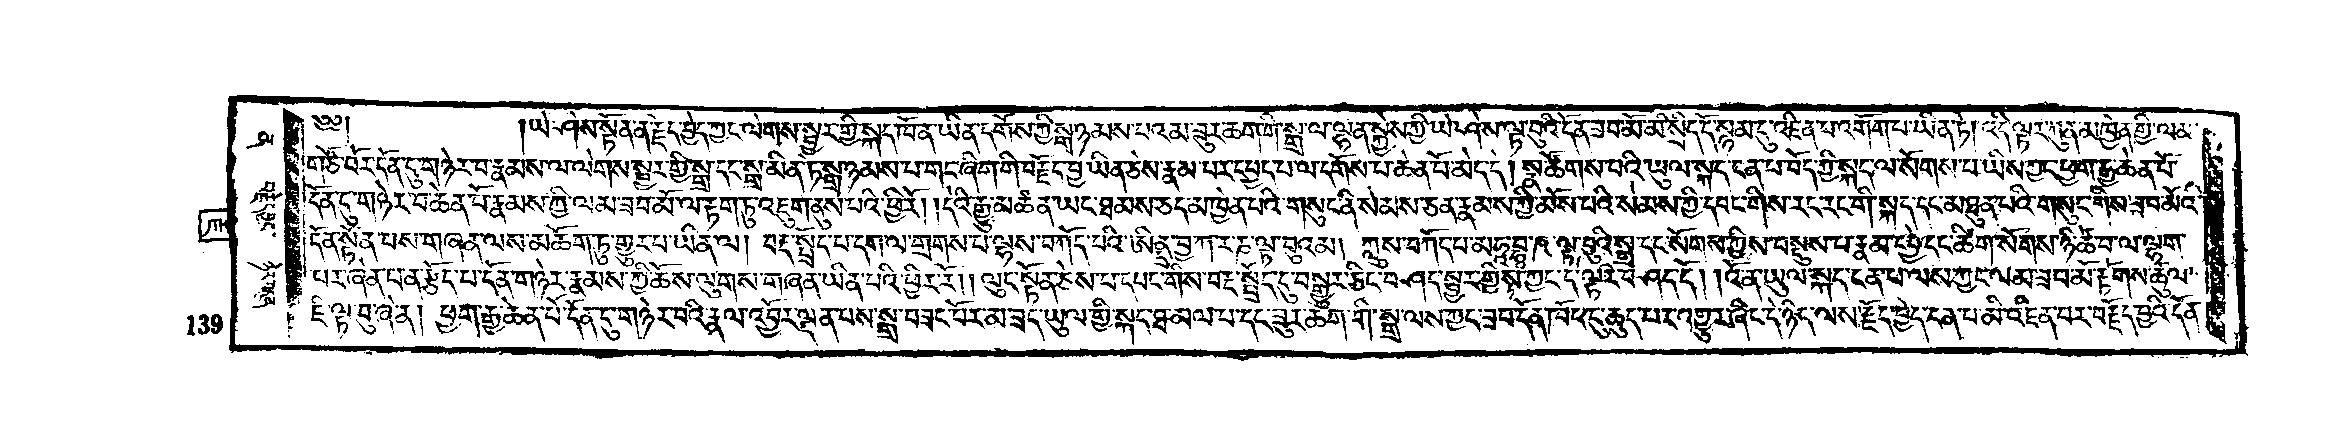༄༅། །ཡེ་ཤེས་སྟོན་ན་རྗོད་བྱེད་ཀྱང་ལེགས་སྦྱར་གྱི་སྐད་ཁོ་ན་ཡིན་དགོས་ཀྱི་སྒྲ་ཉམས་པའམ་ཟུར་ཆག་གི་སྒྲ་ལ་ལྷན་སྐྱེས་ཀྱི་ཡེ་ཤེས་ལྟ་བུའི་དོན་ཟབ་མོ་མི་སྲིད་དོ་སྙམ་དུ་འཛིན་པ་འགོག་པ་ཡིན་ཏེ། འདི་ལྟར་ཀུན་མཁྱེན་གྱི་ལམ་
གཙོ་བོར་དོན་དུ་གཉེར་བ་རྣམས་ལ་ལེགས་སྦྱར་གྱི་སྒྲ་དང་སྒྲ་མིན་ཏ་སྒྲ་ཉམས་པ་གང་ཞིག་གི་བརྗོད་བྱ་ཡིན་ཅེས་རྣམ་པར་དཔྱད་པ་ལ་དགོས་པ་ཆེན་པོ་མེད་དེ། སྣ་ཚོགས་པའི་ཡུལ་སྐད་ངན་པ་བོད་ཀྱི་སྐད་ལ་སོགས་པ་ཡིས་ཀྱང་ཕྱག་རྒྱ་ཆེན་པོ་
དོན་དུ་གཉེར་བ་ཆེན་པོ་རྣམས་ཀྱི་ལམ་ཟབ་མོ་ལ་རྟག་ཏུ་འཇུག་ནུས་པའི་ཕྱིར་རོ། །དེའི་རྒྱུ་མཚན་ཡང་ཐམས་ཅད་མཁྱེན་པའི་གསུང་ནི་སེམས་ཅན་རྣམས་ཀྱི་མོས་པའི་སེམས་ཀྱི་དབང་གིས་རང་རང་གི་སྐད་དང་མཐུན་པའི་གསུང་གིས་ཟབ་མོའི་
དོན་སྟོན་པས་གཞན་ལས་མཆོག་ཏུ་གྱུར་པ་ཡིན་ལ། བརྡ་སྤྲོད་པ་དག་ལ་གྲགས་པ་ལྷས་བཀོད་པའི་ཨིནྡྲ་བྱ་ཀ་ར་ཎ་ལྟ་བུའམ། ཀླུས་བཀོད་པ་མཧཱ་བྷཱ་ཥ་ལྟ་བུའི་སྒྲ་དང་སོགས་ཀྱིས་བསྡུས་པ་རྣམ་དབྱེ་དང་ཚིག་སོགས་ཉི་ཚེ་བ་ལ་ལྷག་
པར་ཞེན་པ་ན་རྩོད་པ་དོན་གཉེར་རྣམས་ཀྱི་ཆོས་ལུགས་གཞན་ཡིན་པའི་ཕྱིར་རོ། །ལུང་སྟོན་ཅེས་པ་དཔང་གིས་བརྡ་སྤྲོད་དུ་བསྒྱུར་ཅིང་བཤད་སྦྱར་གྱིས་ཀྱང་དེ་ལྟར་བཤད་དོ། །འོ་ན་ཡུལ་སྐད་ངན་པ་ལས་ཀྱང་ལམ་ཟབ་མོ་རྟོགས་ཚུལ་
ཇི་ལྟ་བུ་ཞེ་ན། ཕྱག་རྒྱ་ཆེན་པོ་དོན་དུ་གཉེར་བའི་རྣལ་འབྱོར་ལྡན་པས་སྒྲ་བཟང་པོར་མ་ཟད་ཡུལ་གྱི་སྐད་ཐ་མལ་པ་དང་ཟུར་ཆག་གི་སྒྲ་ལས་ཀྱང་ཟབ་དོན་ཁོང་དུ་ཆུད་པར་འགྱུར་ཞིང་དེ་ཉིད་ལས་རྗོད་བྱེད་ངན་པ་མི་འཛིན་པར་བརྗོད་བྱའི་དོན་